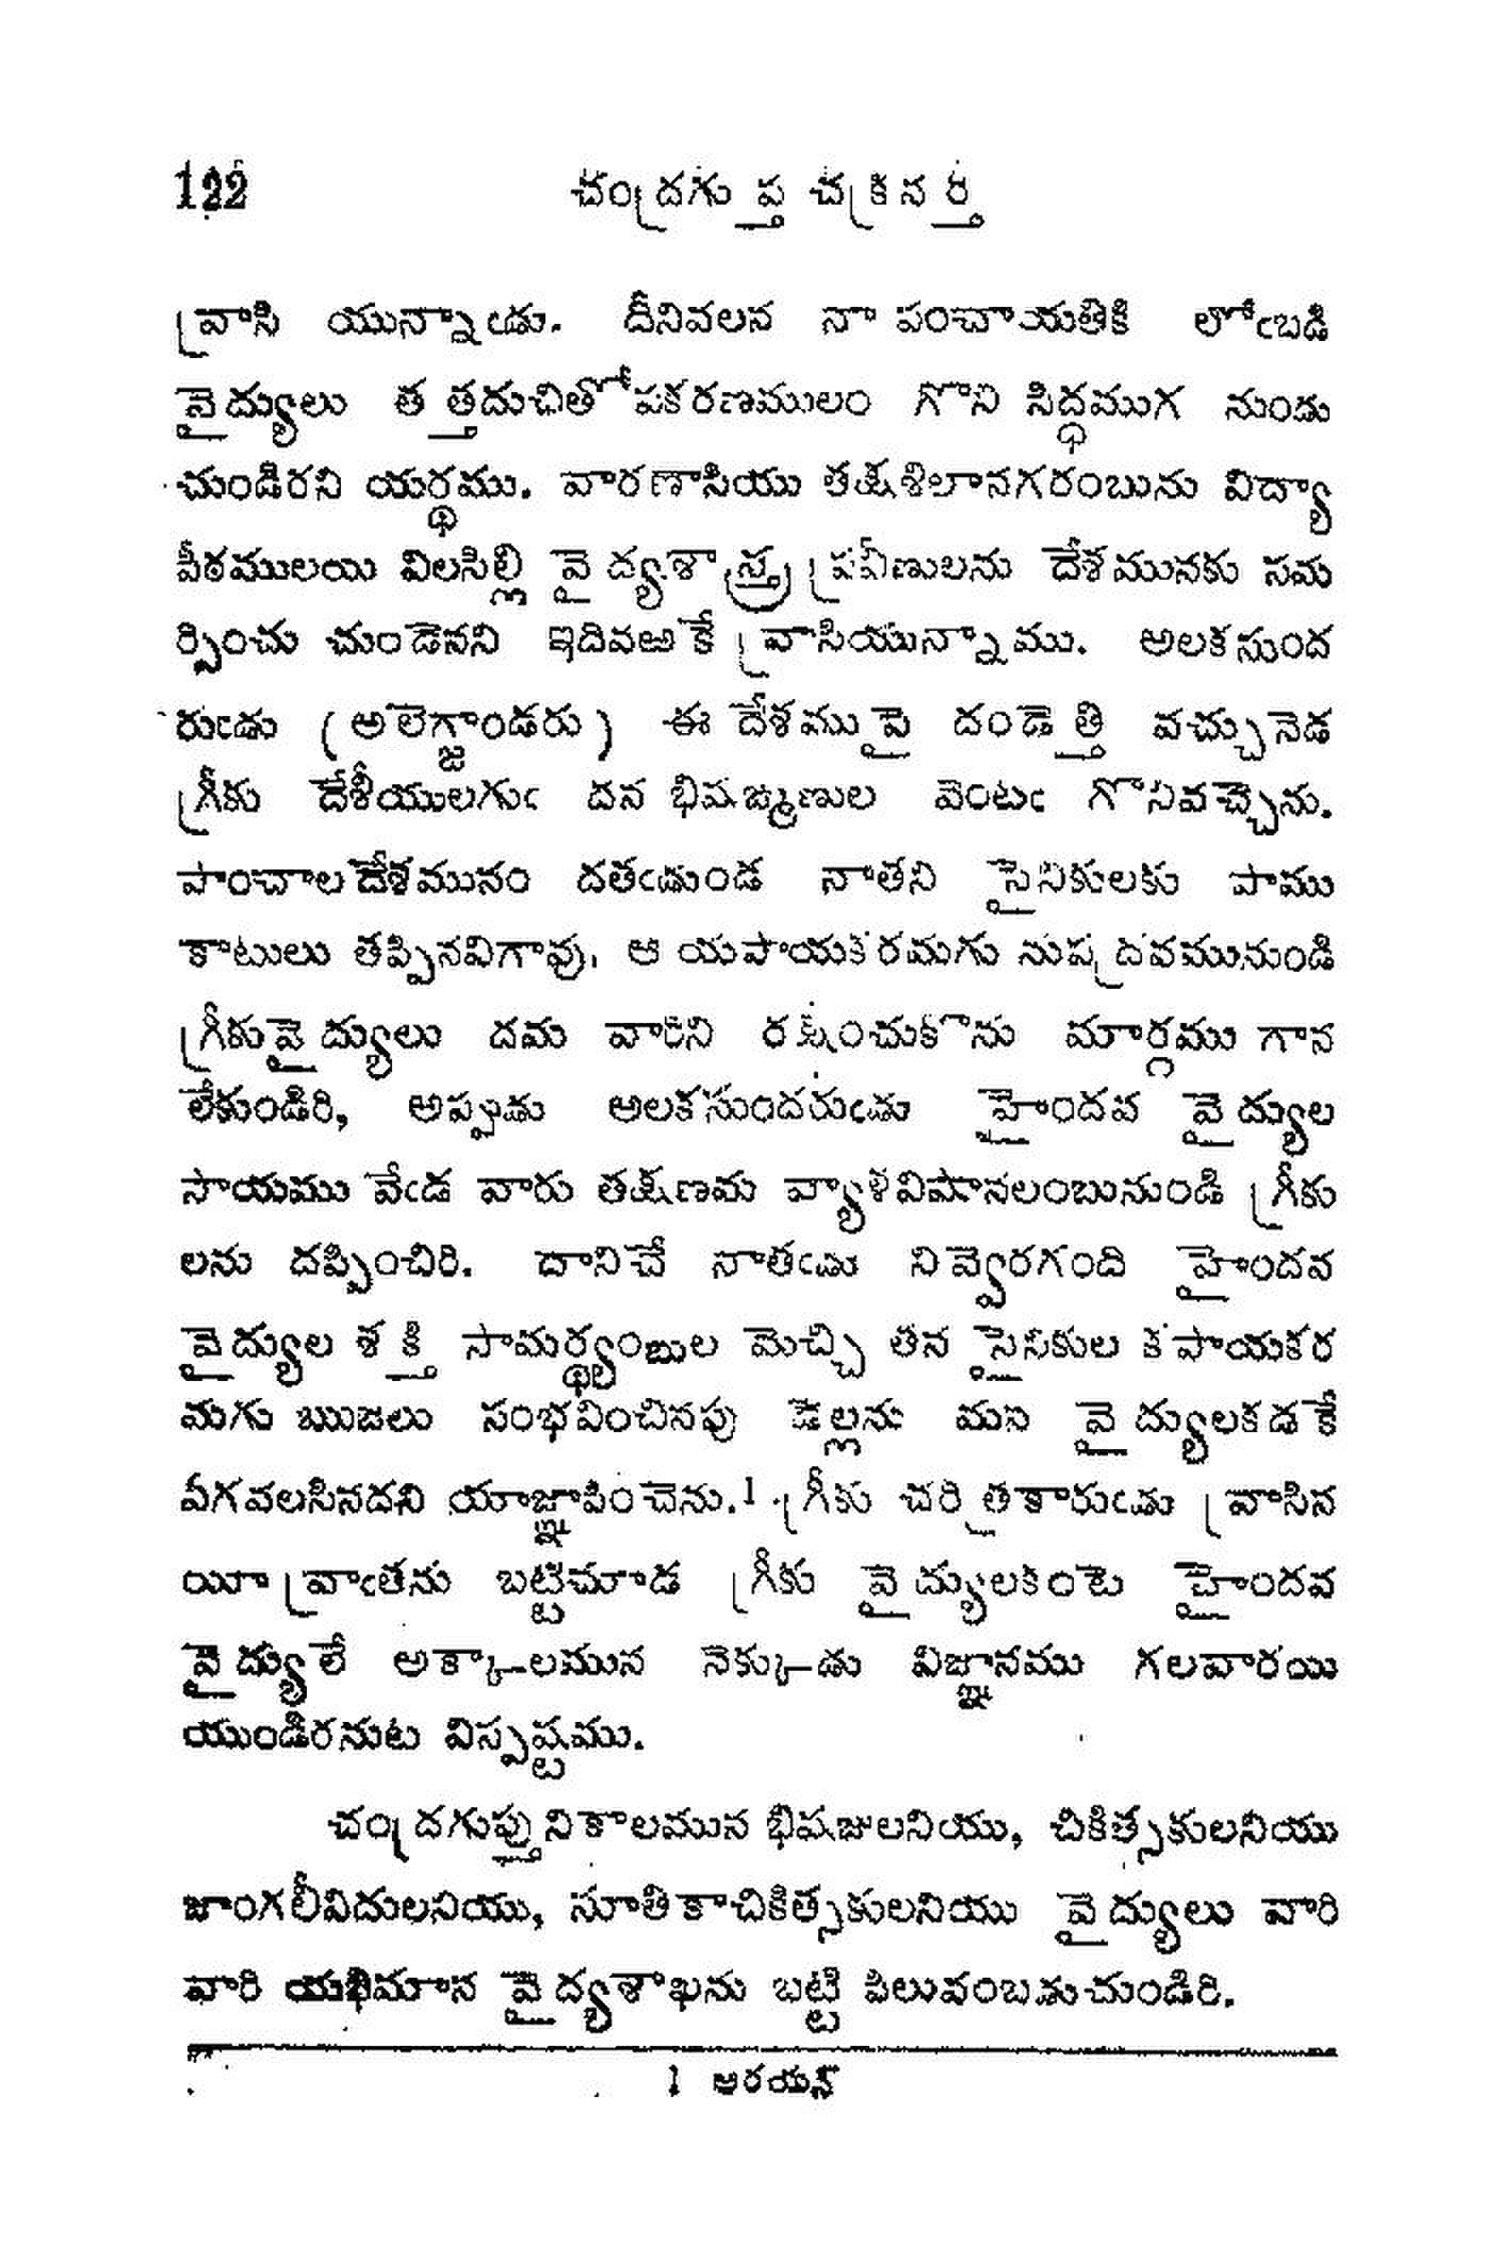వ్రాసి యున్నాఁడు. దీనివలన నా పంచాయతికి లోఁబడి వైద్యులు తత్తదుచితోపకరణములం గొని సిద్ధముగ నుండు చుండిరని యర్థము. వారణాసియు తక్షశిలానగరంబును విద్యా పీఠములయి విలసిల్లి వైద్యశాస్త్ర ప్రవీణులను దేశమునకు సమర్పించు చుండెనని ఇదివఱకే వ్రాసియున్నాము. అలకసుందరుఁడు (అలెగ్జాండరు) ఈ దేశము పై దండెత్తి వచ్చునెడ
గ్రీకు దేశీయులగుఁ దన భిషజ్మణుల వెంటఁ గొనివచ్చెను. పాంచాలదేశమునం దతఁడుండ నాతని సైనికులకు పాముకాటులు తప్పినవిగావు. ఆ యపాయకరమగు నుపద్రవమునుండి గ్రీకువైద్యులు దమ వారిని రక్షించుకొను మార్గము గాన లేకుండిరి. అప్పుడు అలకసుందరుఁడు హైందవ వైద్యుల సాయము వేఁడ వారు తక్షణమ వ్యాళవిషానలంబునుండి గ్రీకులను దప్పించిరి. దానిచే నాతఁడు నివ్వెరగంది హైందవ వైద్యుల శక్తి సామర్థ్యంబుల మెచ్చి తన సైనికుల కపాయకరమగు ఋజలు సంభవించినపు డెల్లను మన వైద్యులకడకే ఏగవలసినదని యాజ్ఞాపించెను. 1 గ్రీకు చరిత్రకారుఁడు వ్రాసిన యీ వ్రాఁతను బట్టిచూడ గ్రీకు వైద్యులకంటే హైందవ వైద్యులే అక్కాలమున నెక్కుడు విజ్ఞానము గలవారయి యుండిరనుట విస్పష్టము.

చంద్రగుప్తునికాలమున భిషజులనియు, చికిత్సకులనియు జాంగలీవిదులనియు, సూతికాచికిత్సకులనియు వైద్యులు వారి వారి యభిమాస వైద్యశాఖను బట్టి పిలువంబడుచుండిరి.
.